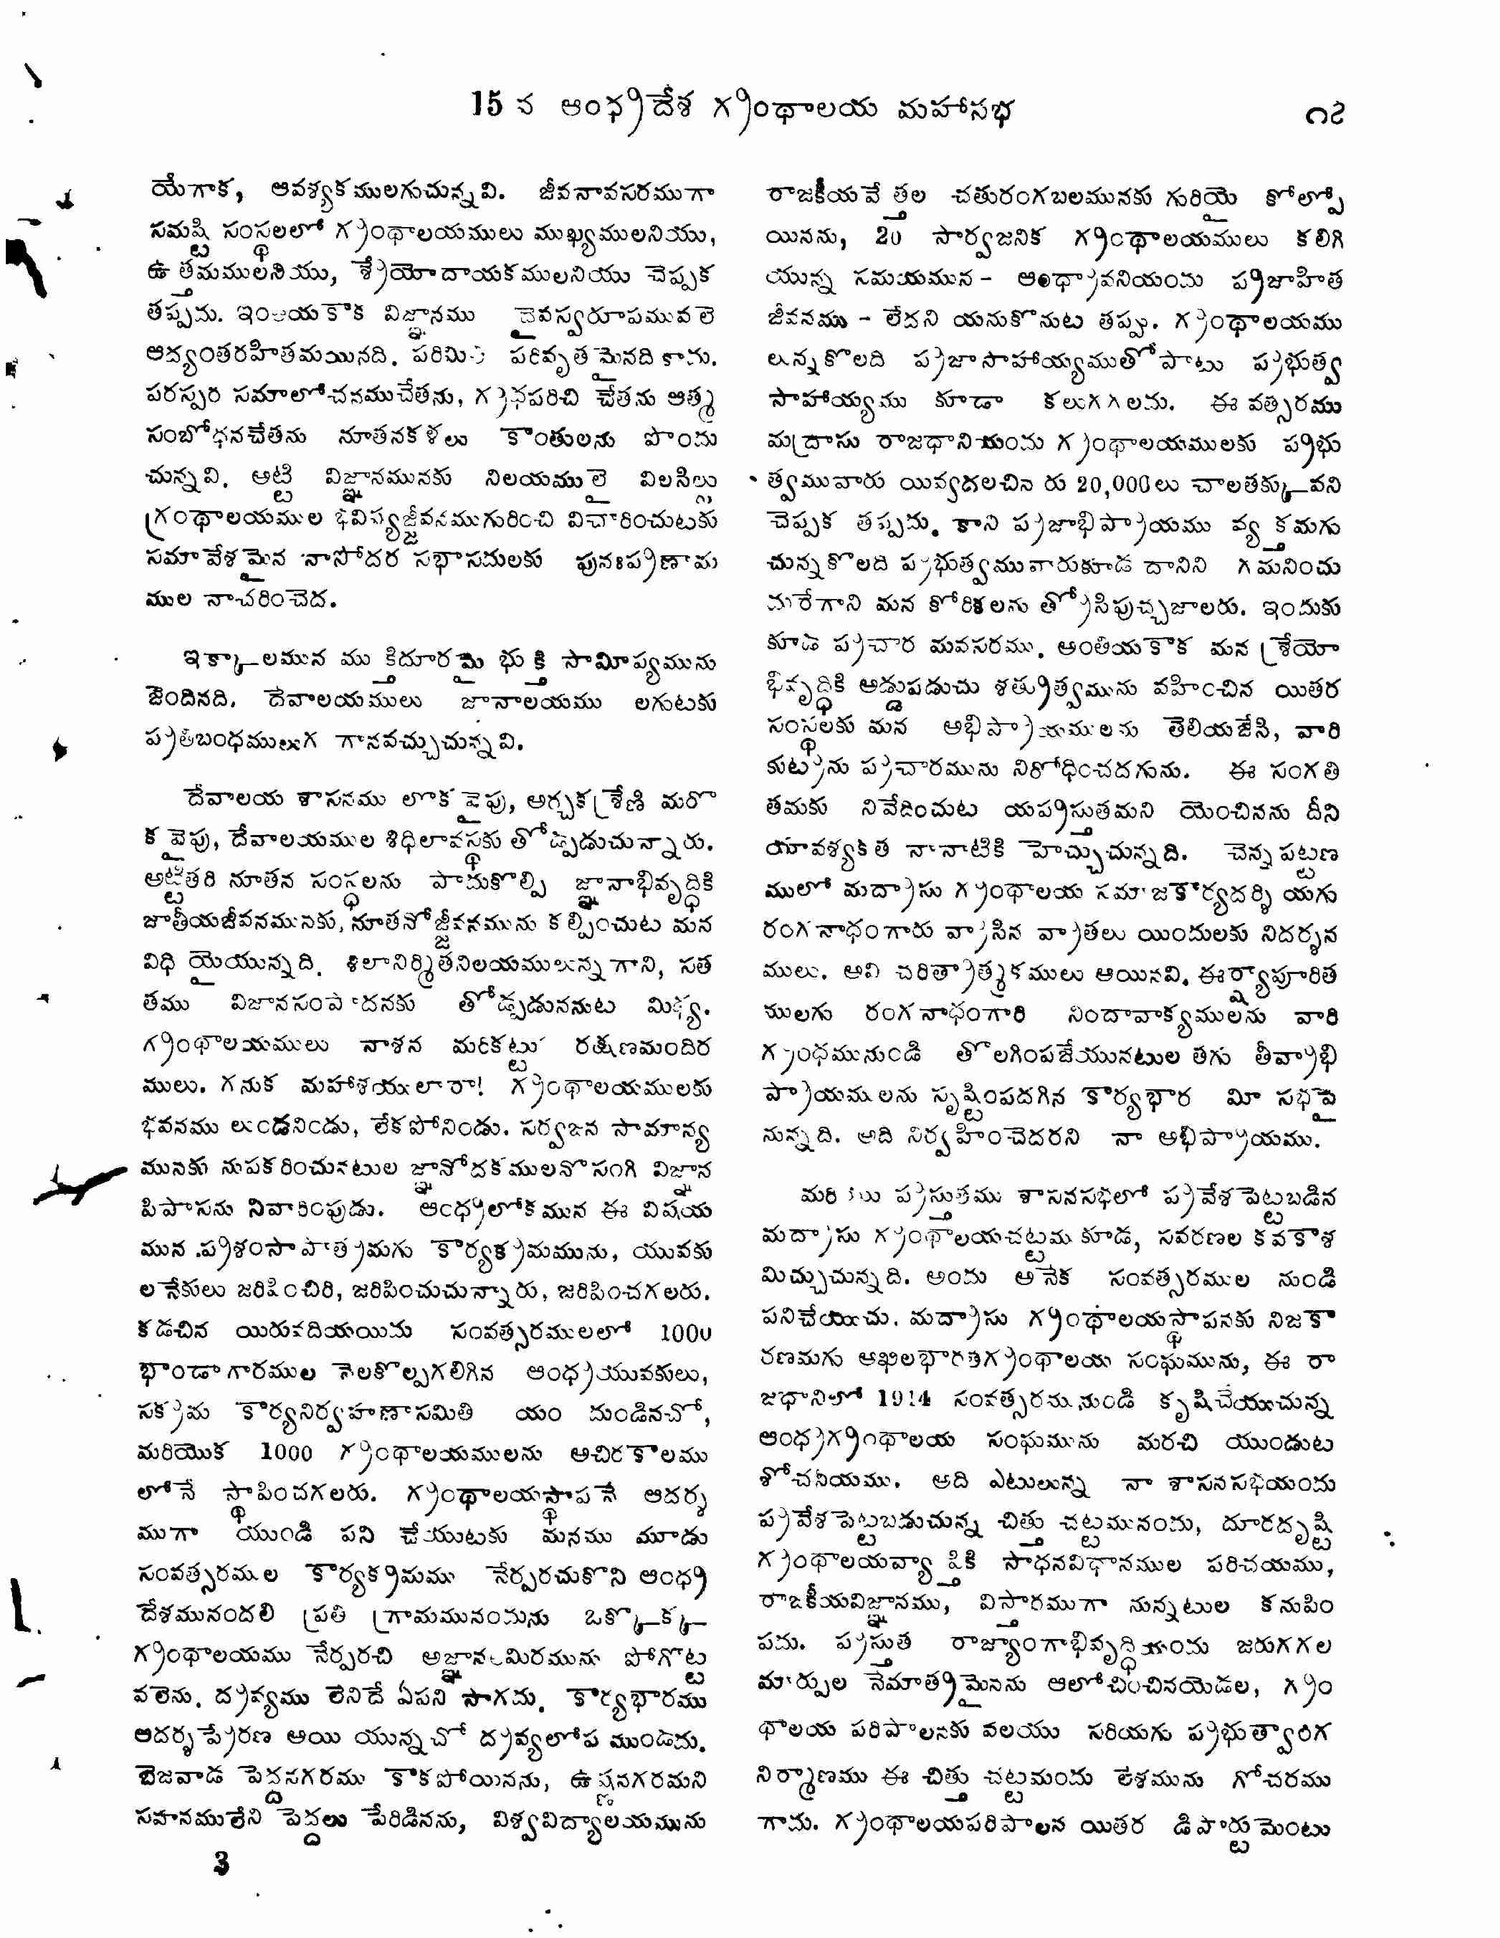యేగాక, ఆవశ్యకములగు చున్నవి. జీవనావసరముగా సమష్టి సంస్థలలో గ్రంథాలయములు ముఖ్యములనియు, ఉత్తమములనియు, శ్రేయోదాయకములనియు చెప్పక తప్పను. ఇంతయు కాక విజ్ఞానము దైవస్వరూపమువలె ఆద్యంతరహితమయినది. పరిమిత పరివృత మైనది కాదు. పరస్పరి సమాలోచనముచేతను, గనపరిచి చేతను ఆత్మసంబోధన చేతను నూతనకళలు కాంతులను పొందు చున్నవి. అట్టి విజ్ఞానమునకు నిలయములై విలసిల్లు గ్రంథాలయముల భవిష్యజ్జీవనము గురించి విచారించుటకు సమావేశమైన నాసోదర సభాసదులకు పునఃప్రణామముల నాచరించెద.

ఇక్కాలమున ముక్తిదూరమై భుక్తి సామీప్యమును జెందినది. దేవాలయములు జానాలయము లగుటకు ప్రతిబంధములుగ గానవచ్చుచున్నవి.

దేవాలయ శాసనము లొక వైపు, అర్చక శ్రేణి మరొక వైపు, దేవాలయములు శిధిలావసకు తోడ్పడుచున్నారు. అట్టితేరి నూతన సంస్థలను పాదుకొల్పి జ్ఞానాభివృద్ధికి జాతీయజీవనమునకు, నూతనోజీవనమును కల్పించుట మన విధియై యున్నది. శిలానిర్మిత నిలయములున్న గాని, సతతము విజ్ఞాన సంపాదనకు తోడ్పడుననుట మిధ్య. గ్రంథాలయములు నాశన మరొకట్టు రక్షణమందిరములు, గనుక మహాశయులారా! గ్రంథాలయములకు భవనము లుండనిఁడు, లేకపోనిండు. సర్వజన సామాన్యమునకు నుపకరించునటుల 
జ్ఙానోదకములనొసంగి విజ్ఞానపిపాసను నివారింపుడు. ఆంధ్రలోకమున ఈ విషయమున ప్రశంసాపాత్రమగు కార్యక్రమమును, యువకుల నేకులు జరిపించిరి, జరిపించుచున్నారు, జరిపించగలరు. కడచిన యిరువదియయిను సంవత్సరములలో 1000 భాండాగారముల నెలకొల్పగలిగిన ఆంధ్ర యువకులు, సక్రమ కార్యనిర్వహణా సమితి యందుండినచో, మరియొక 1000 గ్రంథాలయములను అచిరకాలము లోనే స్థాపించగలరు. గ్రంథాలయ స్థాపనే ఆదర్శముగా యుండి పని చేయుటకు మనము మూడు సంవత్సరముల కార్యక్రమము నేర్పరచుకొని ఆంధ్రదేశమునందలి ప్రతి గ్రామమునందును ఒక్కొక్క గ్రంథాలయము నేర్పరచి అజ్ఞానం మిరమును పోగొట్ట
వలెను. ద్రవ్యము లేనిదే ఏపని సాగదు. కార్యభారము ఆదర్శప్రేరణ అయి యున్నచో ద్రవ్యలోప ముండదు. బెజవాడ పెద్దసగరము కాకపోయినను, ఉష్ణనగరమని సహనములేని పెద్దలు పేరిడినను, విశ్వవిద్యాలయమును రాజకీయవేతల చతురంగ బలమునకు గురియై కోల్పోయినను, 20 సార్వజనిక గ్రంథాలయములు కలిగియున్న సమయమున - ఆంధావనియందు ప్రజాహిత జీవనము - లేదని యనుకొనుట తప్పు. గ్రంథాలయములన్న కొలది ప్రజాసాహాయ్యముతోపాటు ప్రభుత్వసాహాయ్యము కూడా కలుగగలను. ఈ వత్సరము
మద్రాసు రాజధాని యంను గ్రంథాలయలయములకు ప్రభుత్వము వారు యివ్వదలచిన రు 20,000 లు చాల తక్కువని చెప్పక తప్పను. కాని ప్రజాభిప్రాయము వ్యక్తమగుచున్న కొలది ప్రభుత్వము వారుకూడ దానిని మనించుచరేగాని మన కోరికలను తోసిపుచ్చ జాలరు. ఇందుకు కూడా ప్రచార మవసరము. అంతియ కాక మన శ్రేయోభివృద్ధికి అడ్డుపడుచు శత్రుత్వమును వహించిన యితర
సంస్థలకు మన అభిప్రాయములకు తెలియజేసి, వారి కుట్రను ప్రచారమును నిరోధించదగును. ఈ సంగతి తమకు నివేదించుట యప్రస్తుతమని యెంచినను దీని యావశ్యకత నానాటికి హెచ్చుచున్నది. చెన్న పట్టణములో మద్రాసు గ్రంథాలయ సమాజ కార్యదర్శి యగు రంగనాధం గారు వ్రాసిన వ్రాతలు యిందులకు నిదర్శనములు, అవి చరిత్రాత్మకములు ఆయినవి. ఈర్ష్యపూరిత ములగు
రంగనాధం గారి నిందావాక్యములను వారి గ్రంధమునుండి తొలగింపజేయునటుల తగు తీవ్రాభిపాయములను సృష్టింపదగిన కార్యభార 
మీ సభపై నున్నది. అది నిర్వహించెదరని నా అభిప్రాయము. 

మరియు ప్రస్తుతము శాసనసభలో ప్రవేశ పెట్టబడిన మద్రాసు గ్రంథాలయ చట్టము కూడ, సవరణల కవకాశమిచ్చుచున్నది. అందు అనేక సంవత్సరముల నుండి పనిచేయించు. మద్రాసు గ్రంథాలయ స్థాపనకు నిజకారణమగు ఆఖిలభారత గ్రంథాలయ సంఘమును, 
ఈ రాజధానిలో 1914 సంవత్సరము నుండి కృషిచేయుచున్న ఆంధ్ర గ్రంథాలయ సంఘమును మరచి యుండుట శోచనీయము. 
అది ఎటులున్నా నా శాసన సభయందు ప్రవేశ పెట్టబడుచున్న చిత్తు చట్టమునందు, దూరదృష్టి గ్రంథాలయవ్యాప్తికి సాధనవిధానముల పరిచయము, రాజకీయవిజ్ఞానము, విసారముగా నున్నటుల కనుపింపదు. ప్రస్తుత రాజ్యాంగాభివృద్ధి యందు జరుగగల మార్పుల 
నెమాత్రమైనను ఆలోచించినయెడల, గ్రంథాలయ పరిపాలనకు వలయు సరియగు ప్రభుత్వాంగ నిర్మాణము ఈ చిత్తు చట్టమందు లేశమును గోచరము గాను. గ్రంథాలయపరిపాలన యితర డిపార్టుమెంటు

3
శోచనీయము,